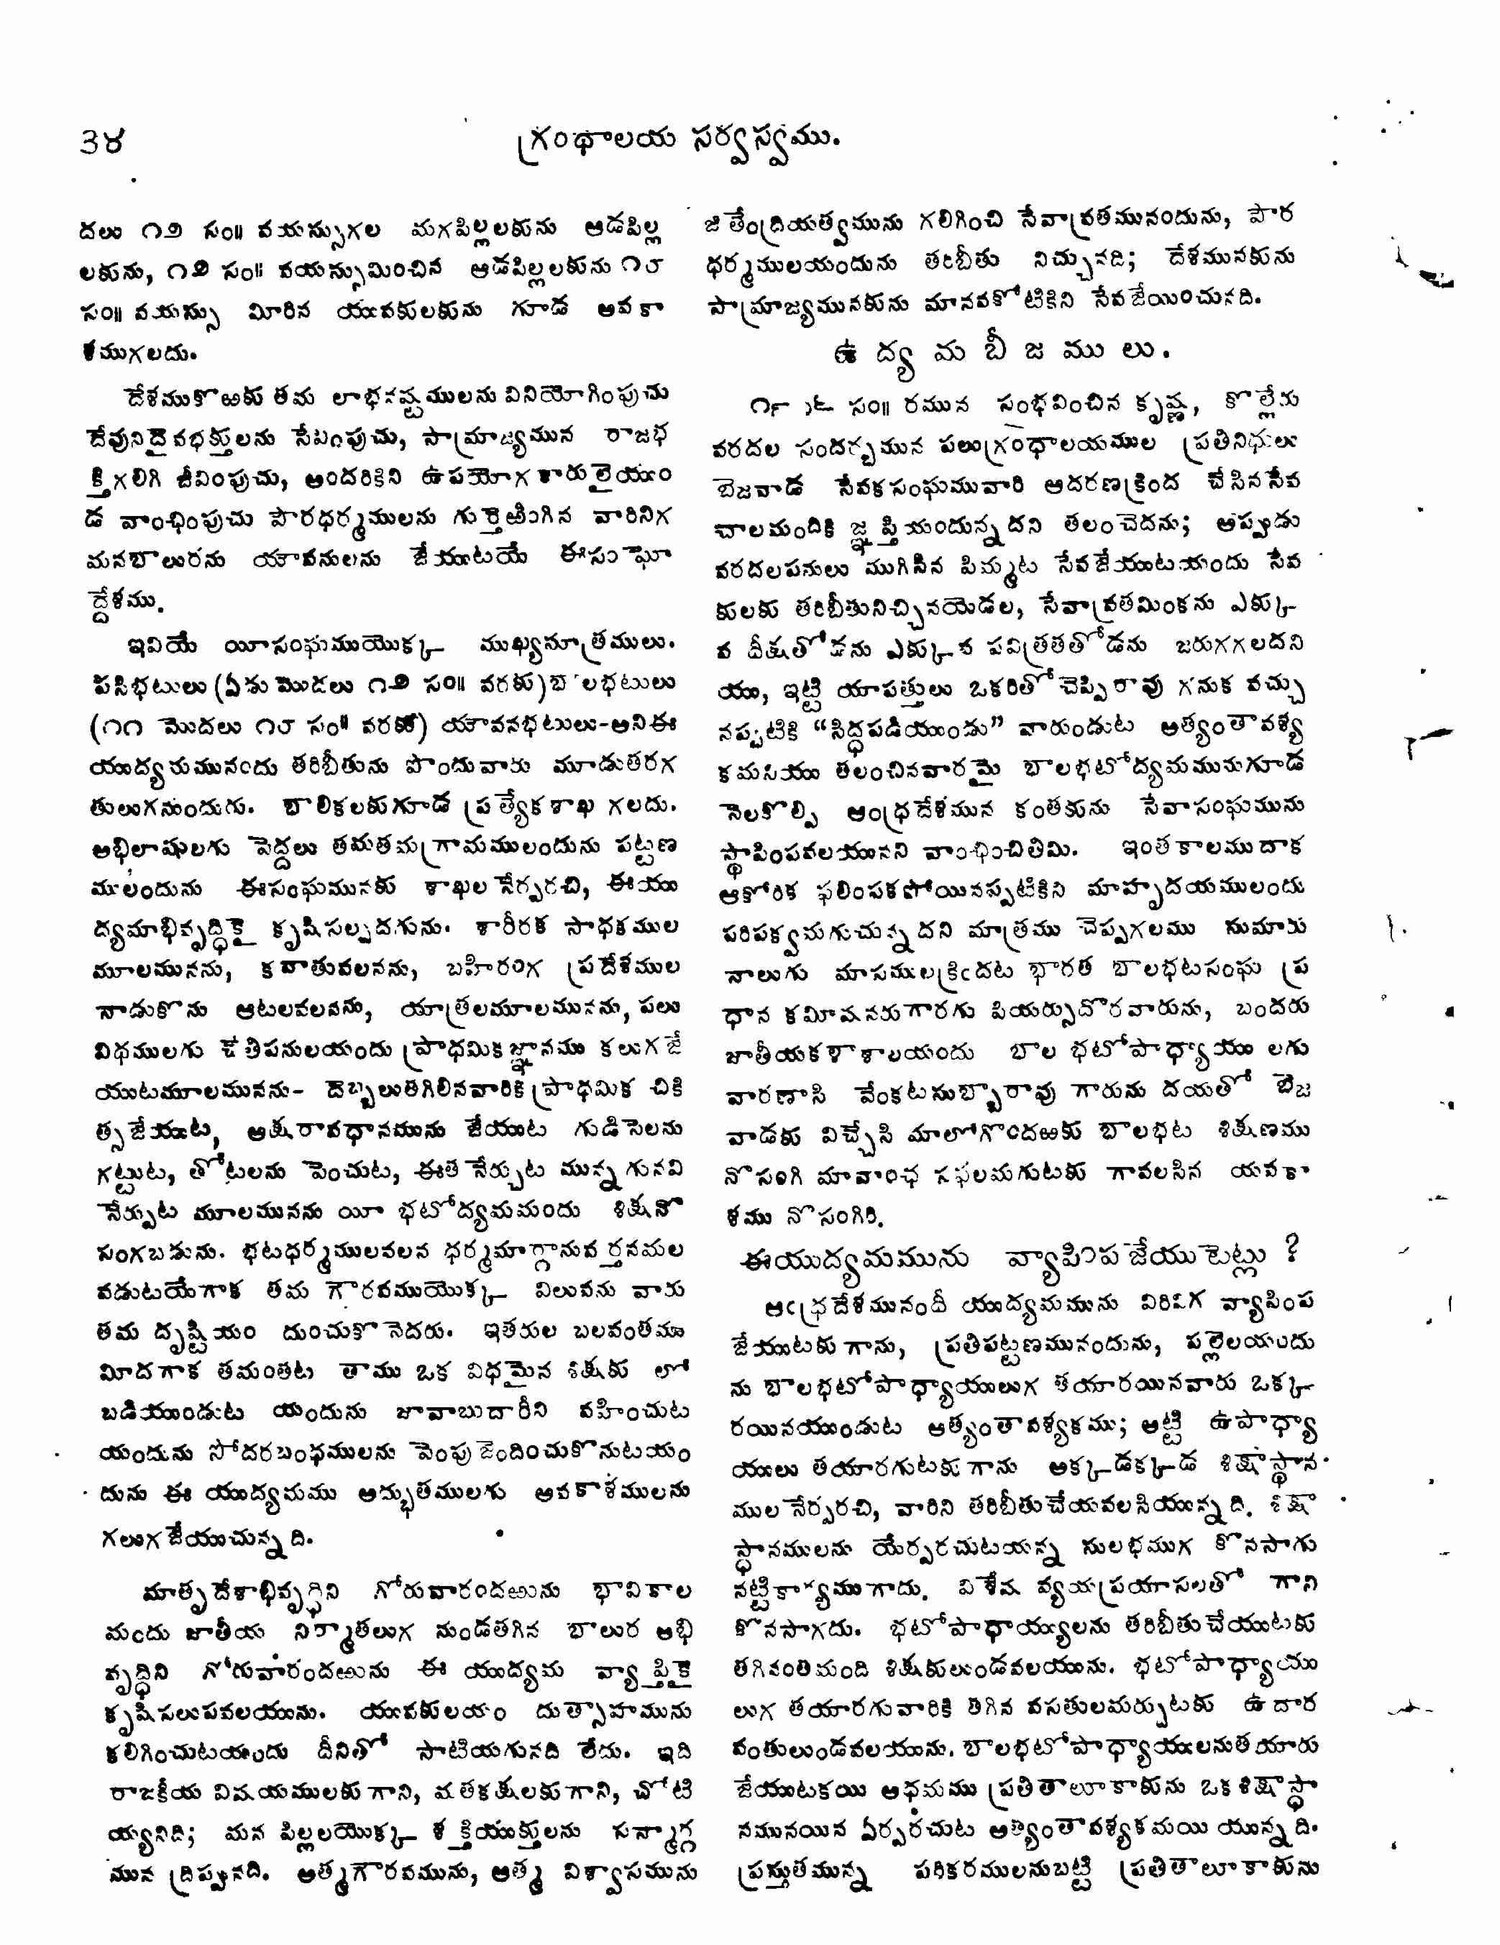దలు ౧౨ సం|| వయస్సుగల మగపిల్లలకును ఆడపిల్లలకును, ౧౨ సం॥ వయస్సుమించిన ఆడపిల్లలకును ౧౮ సం॥ వయస్సు మీరిన యువకులకును గూడ అవకాముగలదు.

దేశము కొఱకు తమ లాభనష్టములను వినియోగింపుచు దేవునిదైవభక్తులను సేవింపుచు, సామ్రాజ్యమున రాజభక్తిగలిగి జీవింపుచు, అందరికిని ఉపయోగకారులైయ్యండ వాంఛింపుచు పౌరధర్మములను గుర్తెఱింగిన వారినిగ మనబాలురను యౌవనులను జేయుటయే 
ఈ స౦ఘోద్దేశము. 

ఇవియే యీసంఘము యొక్క ముఖ్య సూత్రములు. పసిభటులు (ఏడు మొదలు ౧౨ సం॥ వరకు) బాలభటులు (౧౦ మొదలు ౧౮ సం॥ వరణ) యౌవనభటులు - అని ఈ యుద్యమమునందు తరిబీతును పొందువారు మూడు తరగతులుగనుందురు. బాలికలకుగూడ ప్రత్యేక శాఖ గలదు. అభిలాషులగు పెద్దలు తమతమ గ్రామములందును పట్టణములందును ఈ సంఘమునకు శాఖల నేర్పరచి, ఈ
యుద్యమాభివృద్ధికై కృషి సల్పదగును. శారీరక సాధకముల మూలమునను, కవాతువలనను, బహిరంగ ప్రదేశముల నాడుకొను ఆటలవలవను, యాత్రలమూలమునను, పలువిధములగు చేతిపనులయందు ప్రాధమిక జ్ఞానము కలుగజేయుటమూలమునను - దెబ్బలు తగిలినవారికి ప్రాధమిక చికిత్సజేయుట, అక్షరావధానమును జేయుట గుడిసెలనుగట్టుట, తోటలను పెంచుట, ఈత నేర్చుట 
మున్నగునవి నేర్పుట మూలమునను యీ భటోద్యమమందు శిక్ష నొసంగబడును. భటధర్మములవలన ధర్మమార్గానువర్తనమల
వడుటయేగాక తమ గౌరవముయొక్క విలువను వారు తమ దృష్టియం దుంచుకొనెదరు. ఇతరుల బలవంతము మీద గాక తమంతట తాము ఒక విధమైన శిక్షకు లోబడియుండుట యందును జావాబుదారీని వహించుటయందును సోదరబంధములను పెంపుజెందించు కొనుటయందును ఈ యుద్యమము అద్భుతములగు అవకాశములను గలుగజేయుచున్నది.

మాతృదేశాభివృద్ధిని గోరువారందఱును భావికాలమందు జాతీయ నిర్మాతలుగ నుండతగిన బాలుర అభివృద్ధిని గోరువారందఱును ఈ యుద్యమ వ్యాప్తికై కృషి సలుపవలయును. యువకులయం దుత్సాహమును కలిగించుటయందు దీనితో సాటియగునది లేదు. ఇది
రాజకీయ విషయములకు గాని, మతకరులకు గాని, చోటియ్యనిది; మన పిల్లలయొక్క శక్తియుక్తులను సన్మార్గమున ద్రిప్పునది. ఆత్మగౌరవమును, ఆత్మవిశ్వాసమును, జితేంద్రియత్వమును గలిగించి సేవాగ్రతమునందును, పౌరధర్మములయందును తరబీతు నిచ్చునది; దేశమునకును సామ్రాజ్యమునకును మానవకోటికిని సేవజేయించునది.

౧౯౧౬ సం॥రమున సంభవించిన కృష్ణ, కొల్లేరు వరదల సందర్భమున పలుగ్రంధాలయముల ప్రతినిధులు బెజవాడ సేవకసంఘము వారి ఆదరణ క్రింద చేసినసేవ చాలమందికి జ్ఞప్తి యందున్నదని తలంచెదను; అప్పుడు వరదల పనులు ముగిసిన పిమ్మట సేవజేయుటయందు సేవకులకు తరిబీతునిచ్చినయెడల, సేవావ్రతమింకను ఎక్కువ దీక్షతోడను ఎక్కువ పవిత్రతతోడను జరుగగలదని
యు, ఇట్టి యాపత్తులు ఒకరితో చెప్పిరావు గనుక వచ్చునప్పటికి “సిద్ధపడియుండు” వారుండుట అత్యంతావశ్యకమనియు తలంచిన వారమై భాలభటోద్యమమును గూడ నెలకొల్పి ఆంధ్రదేశమున కంతకును సేవాసంఘమును స్థాపింపవలయునని వాంఛించితిమి. ఇంత కాలము దాక ఆకోరిక ఫలింపకపోయినప్పటికిని మాహృదయములందు పరిపక్వమగుచున్నదని మాత్రము చెప్పగలము సుమారు నాలుగు మాసముల క్రిందట భారత బాలభటసంఘ ప్రధాన కమిషనరుగారగు పియర్సుదొరవారును, బందరు జాతీయ కళాశాలయందు బాల భటోపాధ్యాయు లగు వారణాసి వేంకటసుబ్బారావు గారును దయతో బెజవాడకు విచ్చేసి మాలో గొందఱకు బాలభట శిక్షణము నొసంగి మావా౦ఛ సఫలమగుటకు గావలసిన యవకాళము నొసంగిరి.

ఆంధ్రదేశమునందీ యుద్యమమును విరివిగ వ్యాపింప జేయుటకు గాను, ప్రతిపట్టణమునందును, పల్లెలయందును బాల భటోపాధ్యాయులుగా తయారయినవారు ఒక్కరయినయుండుట అత్యంతావశ్యకము; అట్టి ఉపాధ్యాయులు తయారగుటకు గాను అక్కడక్కడ శిక్షాస్థానముల నేర్పరచి, వారిని తరిబీతు చేయవలసియున్నది. శిక్షాస్థానములను యేర్పరచుటయన్న సులభముగ కొనసాగు నట్టి కార్యము గాదు, విశేష వ్యయప్రయాసలతో గాని కొనసాగదు. భటోపాధాయ్యలను తరిబీతు చేయుటకు తగినంతమంది శిక్షకులుండవలయును. భటోపాధ్యాయులుగ తయారగువారికి తగిన వసతులమర్పుటకు ఉదారవంతులుండవలయును. బాలభటోపాధ్యాయులను తయారు
జేయుటకయి అధమము ప్రతి తాలూకాకును ఒక శిక్షాస్ధాసమునయిన ఏర్పరచుట అత్యంతావశ్యకమయి యున్నది. ప్రస్తుతమున్న పరికరములనుబట్టి ప్రతి తాలూకాకును